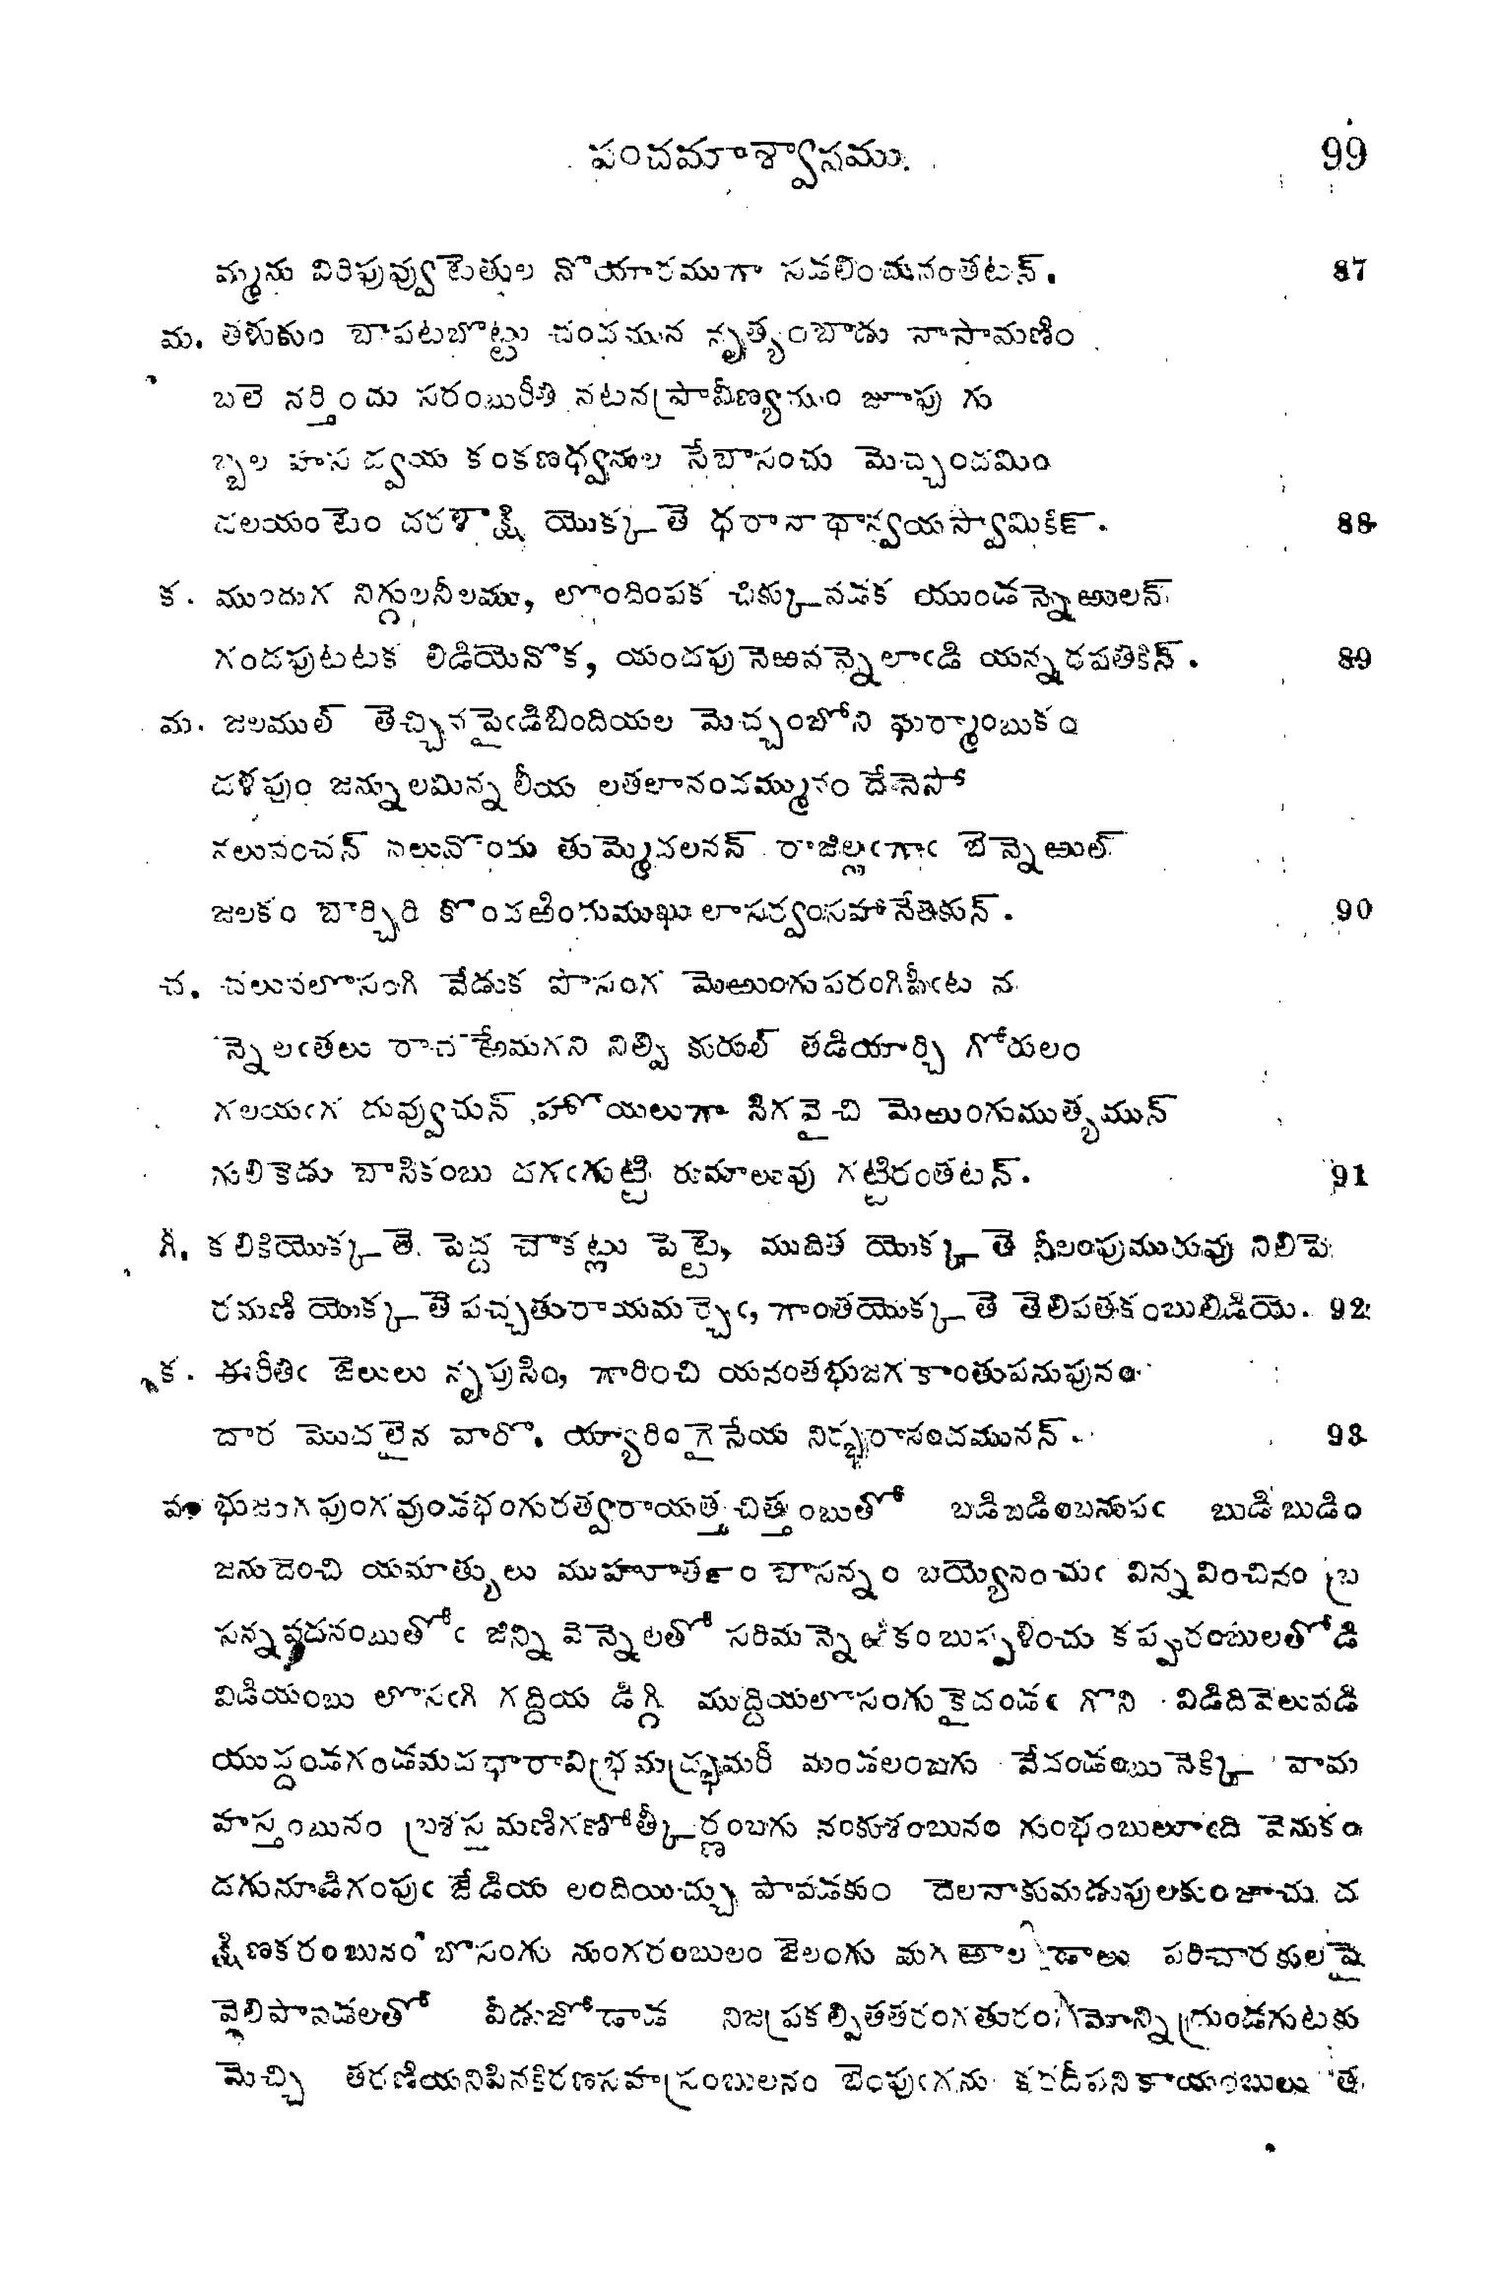మ్మను విరిపువ్వుటెత్తుల నొయారముగా సడలించునంతటన్.
మ. తళుకుం బాపటబొట్టు చందమున నృత్యంబాడు నాసామణిం
బలె నర్తించు సరంబురీతి నటనప్రావీణ్యముం జూపు గు
బ్బల హసద్వయకంకణధ్వనుల సేబాసంచు మెచ్చం దమిం
దలయంటెం దరళాక్షి యొక్కతె ధరానాథాన్వయస్వామికిన్.
క. ముందుగ నిగ్గులనీలము, లొందింపక చిక్కువడక యుండ న్నెఱులన్
గందపుటటక లిడియెనొక, యందపునెఱవన్నెలాఁడి యన్నరపతికిన్.
మ. జలముల్ తెచ్చిన పైఁడిబిందియల మెచ్చంబోని ఘర్మాంబుకం
దళపుం జన్నులమిన్న లీయ లత లానందమ్మునం దేనెసో
నలు వంచన్ నలువొందు తుమ్మెదలనన్ రాజిల్లఁగాఁ బెన్నెఱుల్
జలకం బార్చిరి కొందఱింగుముఖు లాసర్వంసహానేతకున్.
చ. చలువ లొసంగి వేడుక పొసంగ మెఱుంగుపరంగిపీఁట న
న్నెలఁతలు రాచఱేమగని నిల్పి కురుల్ తడియార్చి గోరులం
గలయఁగ దువ్వుచున్ హొయలుగా సిగ వైచి మెఱుంగుముత్యమున్
గులికెడు బాసికంబు దగఁగుట్టి రుమాలువు గట్టి రంతటన్.
గీ. కలికి యొక్కతె పెద్దచౌకట్లు పెట్టె, ముదిత యొక్కతె నీలంపుమురువు నిలిపె
రమణి యొక్కతె పచ్చతురా యమర్చెఁ, గాంత యొక్కతె తెలిపతకంబు లిడియె.
క. ఈరీతిఁ జెలులు నృపు సిం, గారించి యనంతభుజగకాంతుపనుపునం
దార మొదలైనవా రొ, య్యారిం గైసేయ నిర్భరానందమునన్.
వ. భుజంగపుంగవుం డభంగురత్వరాయత్తచిత్తంబుతో బడిబడిం బనుపఁ బుడిబుడిం
జనుదెంచి యమాత్యులు ముహూర్తం బాసన్నం బయ్యెనంచుఁ విన్నవించినం బ్ర
సన్నవదనంబుతోఁ జిన్నివెన్నెలతో సరిమన్నెఱికం బుప్పళించు కప్పురంబులతోడి
విడియంబు లొసఁగి గద్దియ డిగ్గి ముద్దియలొసంగు కైదండఁ గొని విడిది వెలువడి
యుద్దండగండమదధారావిభ్రమద్భ్రమరీమండలంబగు వేదండంబు నెక్కి వామ
హస్తంబునం బ్రశస్తమణిగణోత్కీర్ణంబగు నంకుశంబునం గుంభంబు లూఁది వెనుకం
దగునూడిగంపుఁ జేడియ లందియిచ్చు పావడకుం దెలనాకుమడుపులకుం జాచు ద
క్షిణకరంబునం బొసంగు నుంగరంబులం జైలంగు మగఱాల డాలు పరిచారకులపై
వెలిపావడలతో వీడుజోడాడ నిజ ప్రకల్పితతరంగతురంగమోన్నిద్రుం డగుటకు
మెచ్చి తరణి యనిపిన కిరణసహస్రంబులనం బెంపుఁగను కరదీపనికాయంబులు త